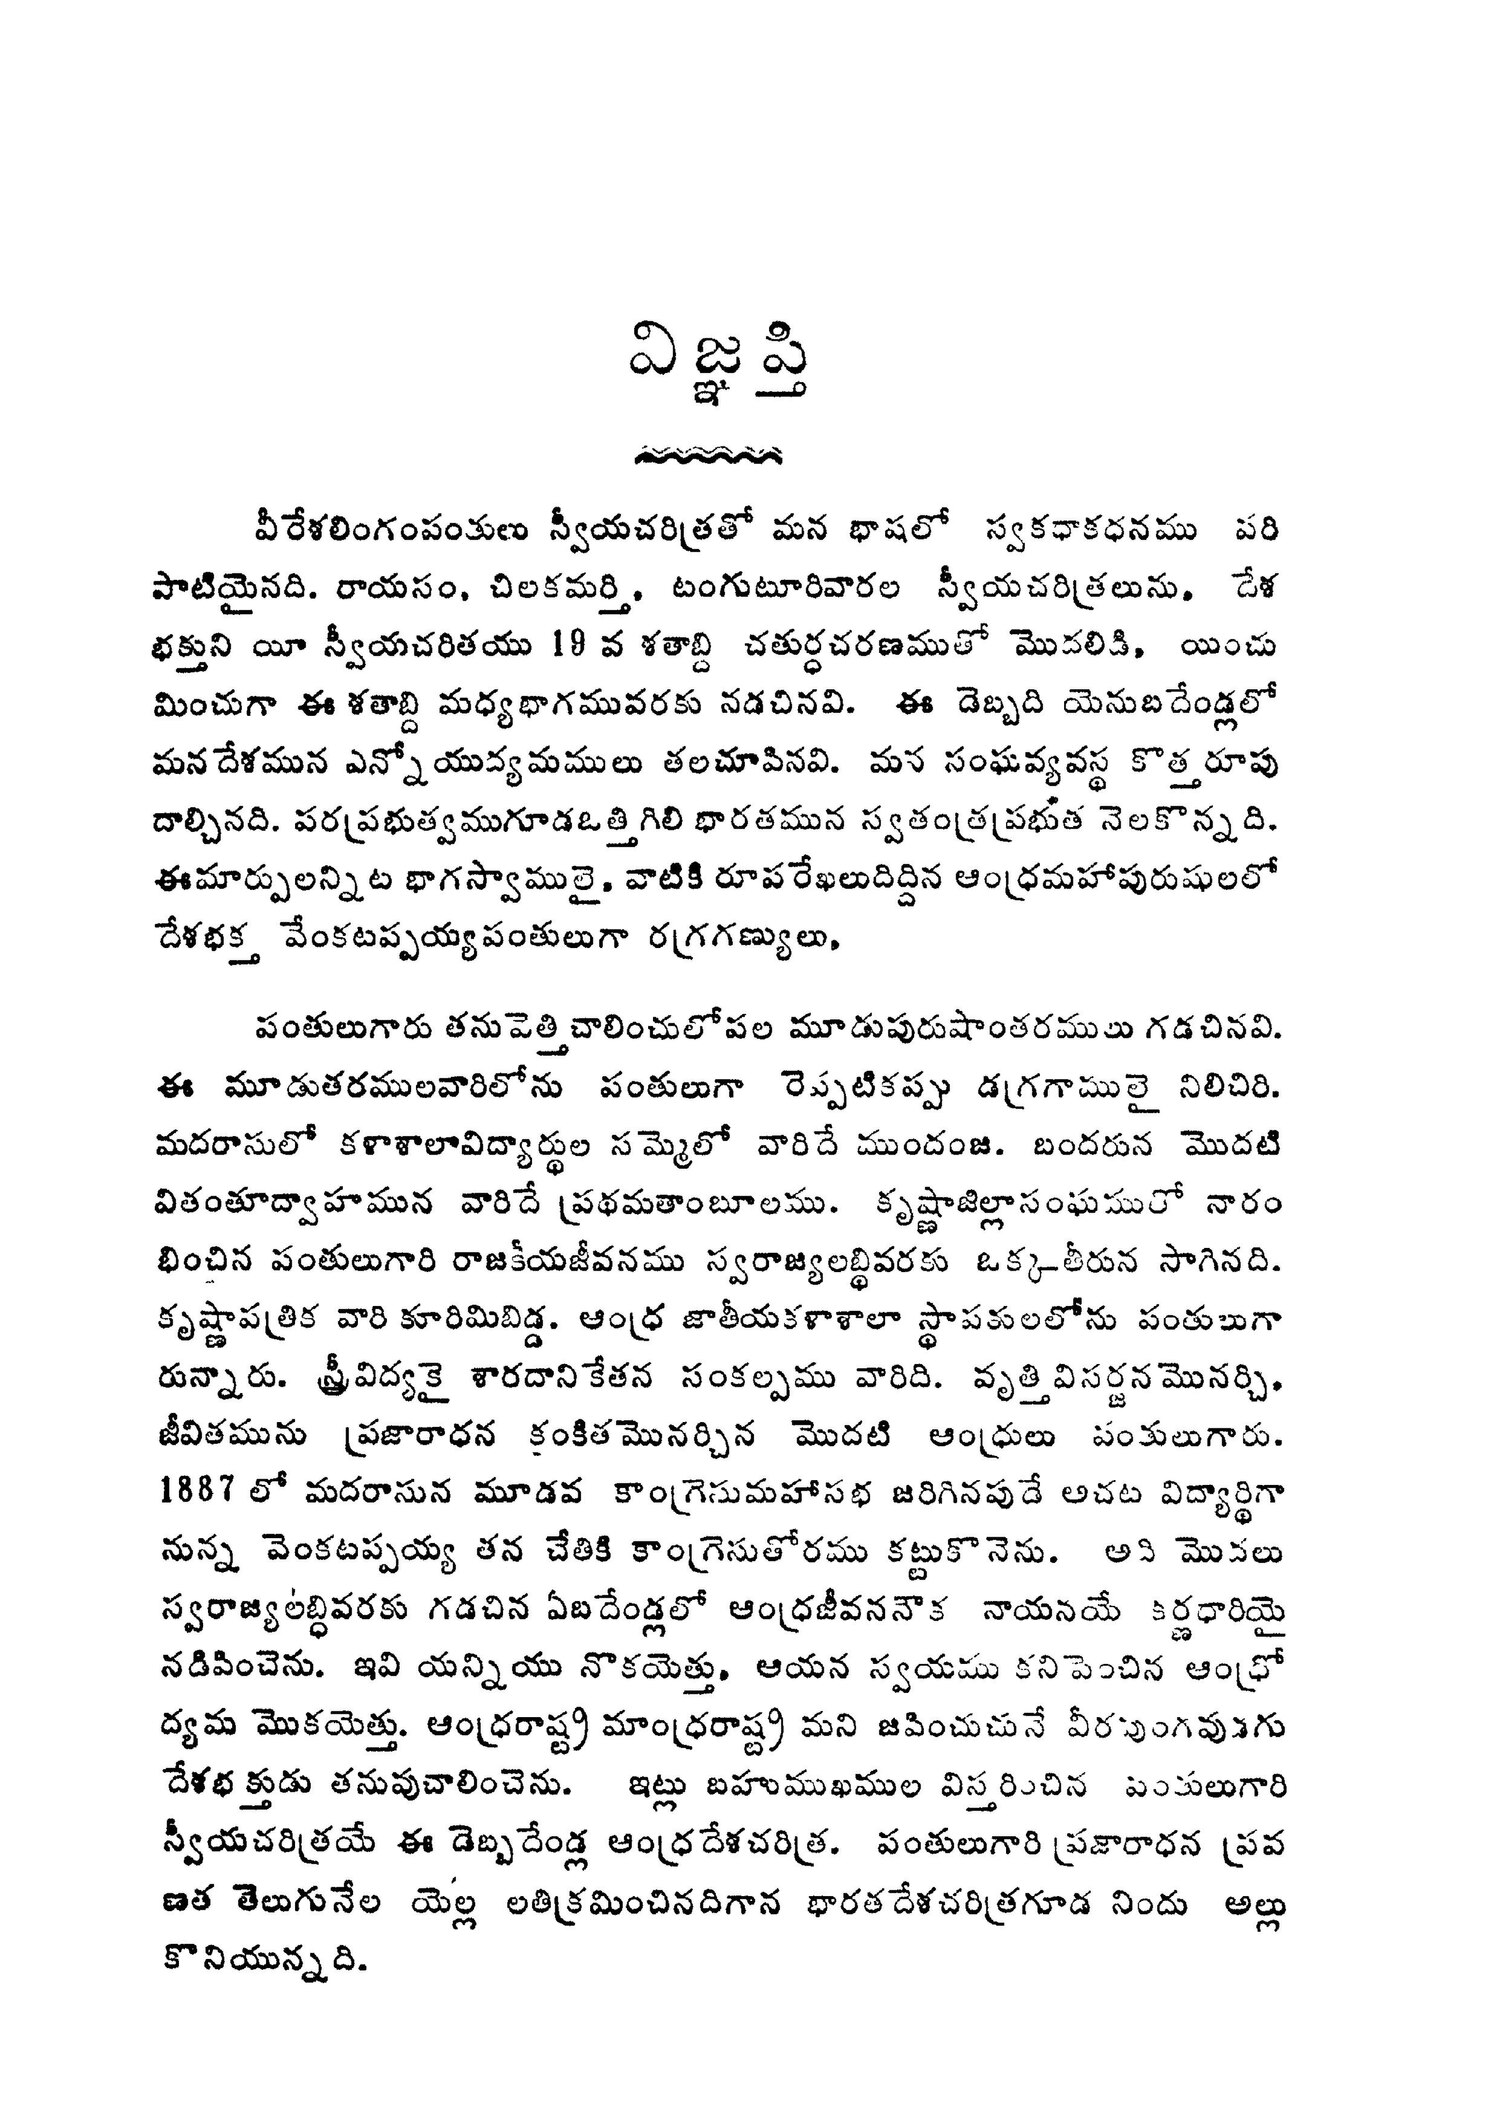వీరేశలింగంపంతులు స్వీయచరిత్రతో మన భాషలో స్వకథాకథనము పరిపాటియైనది. రాయసం, చిలకమర్తి, టంగుటూరివారల స్వీయచరిత్రలును, దేశభక్తుని యీ స్వీయచరితయు 19 వ శతాబ్ది చతుర్థచరణముతో మొదలిడి, యించుమించుగా ఈ శతాబ్ది మధ్యభాగము వరకు నడచినవి. ఈ డెబ్బది యెనుబదేండ్లలో మనదేశమున ఎన్నో యుద్యమములు తలచూపినవి. మన సంఘవ్యవస్థ కొత్తరూపు దాల్చినది. పరప్రభుత్వము గూడ ఒత్తిగిలి భారతమున స్వతంత్ర ప్రభుత నెలకొన్నది. ఈమార్పులన్నిట భాగస్వాములై, వాటికి రూపరేఖలు దిద్దిన ఆంధ్ర మహాపురుషులలో దేశభక్త వేంకటప్పయ్య పంతులుగా రగ్రగణ్యులు.

పంతులుగారు తనువెత్తి చాలించులోపల మూడుపురుషాంతరములు గడచినవి. ఈ మూడుతరములవారిలోను పంతులుగా రెప్పటికప్పు డగ్రగాములై నిలిచిరి. మదరాసులో కళాశాలావిద్యార్థుల సమ్మెలో వారిదే ముందంజ. బందరున మొదటి వితంతూద్వాహమున వారిదే ప్రథమతాంబూలము. కృష్ణాజిల్లాసంఘములో నారంభించిన పంతులుగారి రాజకీయజీవనము స్వరాజ్యలబ్థివరకు ఒక్కతీరున సాగినది. కృష్ణాపత్రిక వారి కూరిమిబిడ్డ. ఆంధ్ర జాతీయకళాశాలా స్థాపకులలోను పంతులుగారున్నారు. స్త్రీవిద్యకై శారదానికేతన సంకల్పము వారిది. వృత్తివిసర్జనమొనర్చి, జీవితమును ప్రజారాధన కంకితమొనర్చిన మొదటి ఆంధ్రులు పంతులుగారు. 1887 లో మదరాసున మూడవ కాంగ్రెసుమహాసభ జరిగినపుడే అచట విద్యార్థిగా నున్న వెంకటప్పయ్య తన చేతికి కాంగ్రెసుతోరము కట్టుకొనెను. అది మొదలు స్వరాజ్యలబ్దివరకు గడచిన ఏబదేండ్లలో ఆంధ్రజీవననౌక నాయనయే కర్ణధారియై నడిపించెను. ఇవి యన్నియు నొకయెత్తు, ఆయన స్వయము కని పెంచిన ఆంధ్రోద్యమ మొకయెత్తు. ఆంధ్రరాష్ట్ర మాంధ్రరాష్ట్ర మని జపించుచునే వీరపుంగవుడగు దేశభక్తుడు తనువుచాలించెను. ఇట్లు బహుముఖముల విస్తరించిన పంతులుగారి స్వీయచరిత్రయే ఈ డెబ్బదేండ్ల ఆంధ్రదేశచరిత్ర. పంతులుగారి ప్రజారాధన ప్రవణత తెలుగునేల యెల్ల లతిక్రమించినదిగాన భారతదేశచరిత్రగూడ నిందు అల్లుకొనియున్నది.